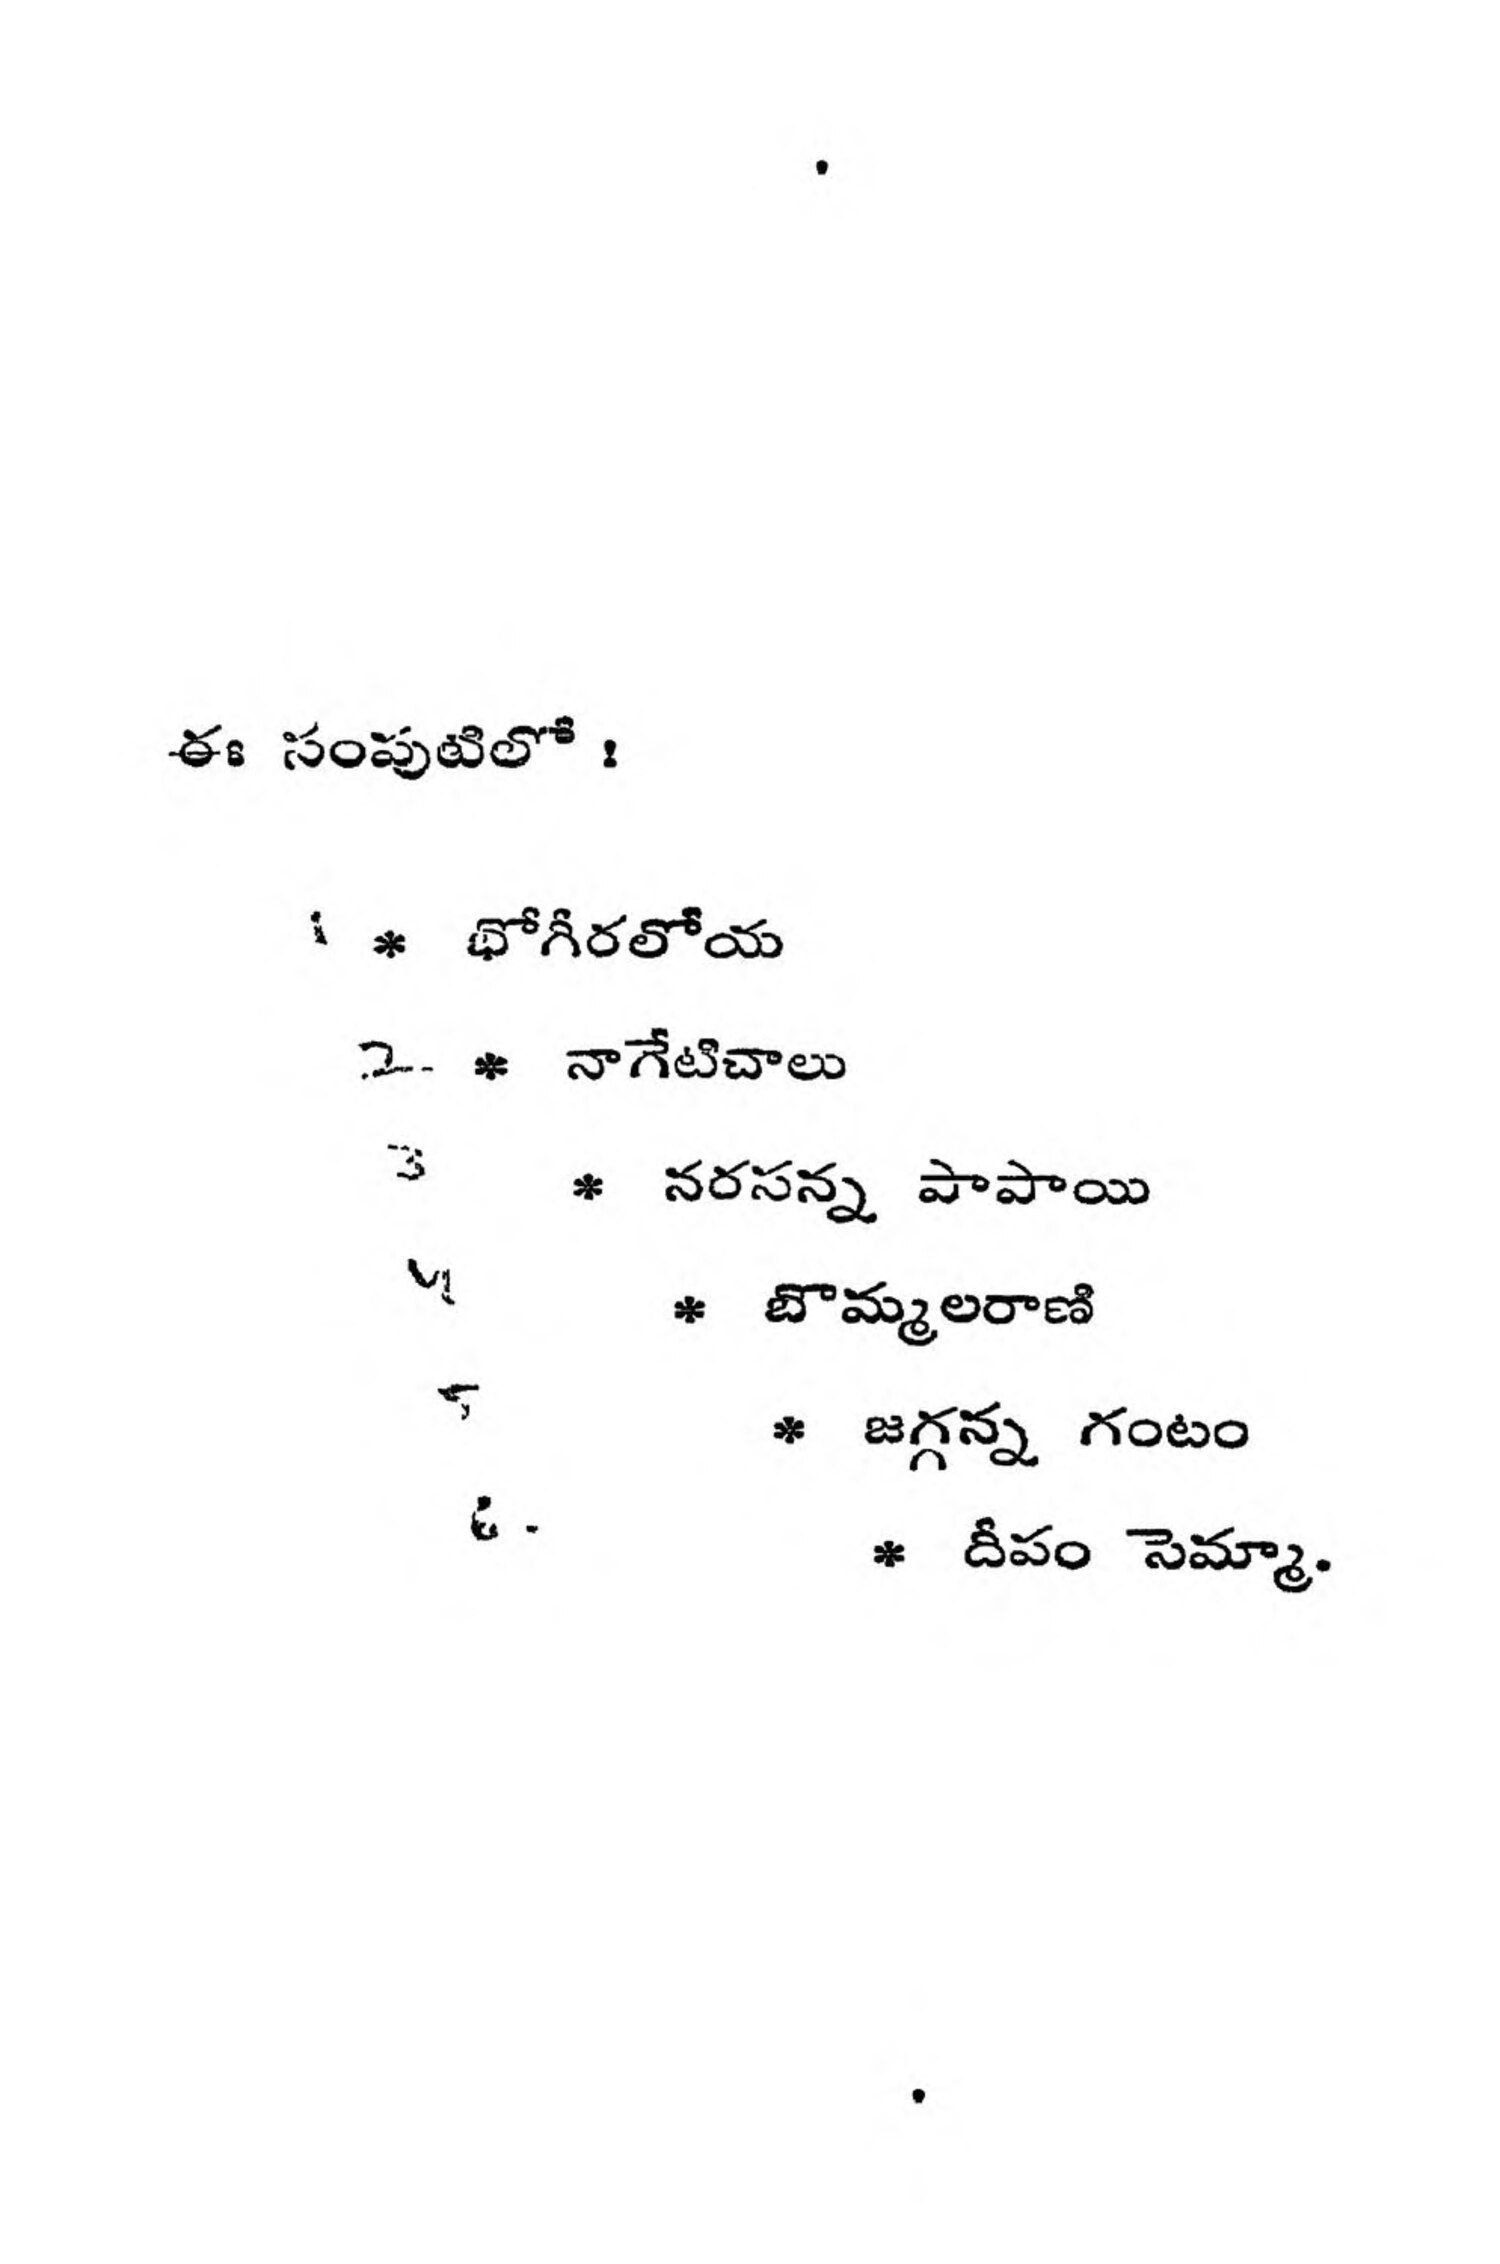ఈ సంపుటిలో :

1 * భోగీరలోయ

2 * నాగేటిచాలు

3 * నరసన్న పాపాయి

4 * బొమ్మలరాణి

5 * జగ్గన్న గంటం

6 * దీపం సెమ్మా